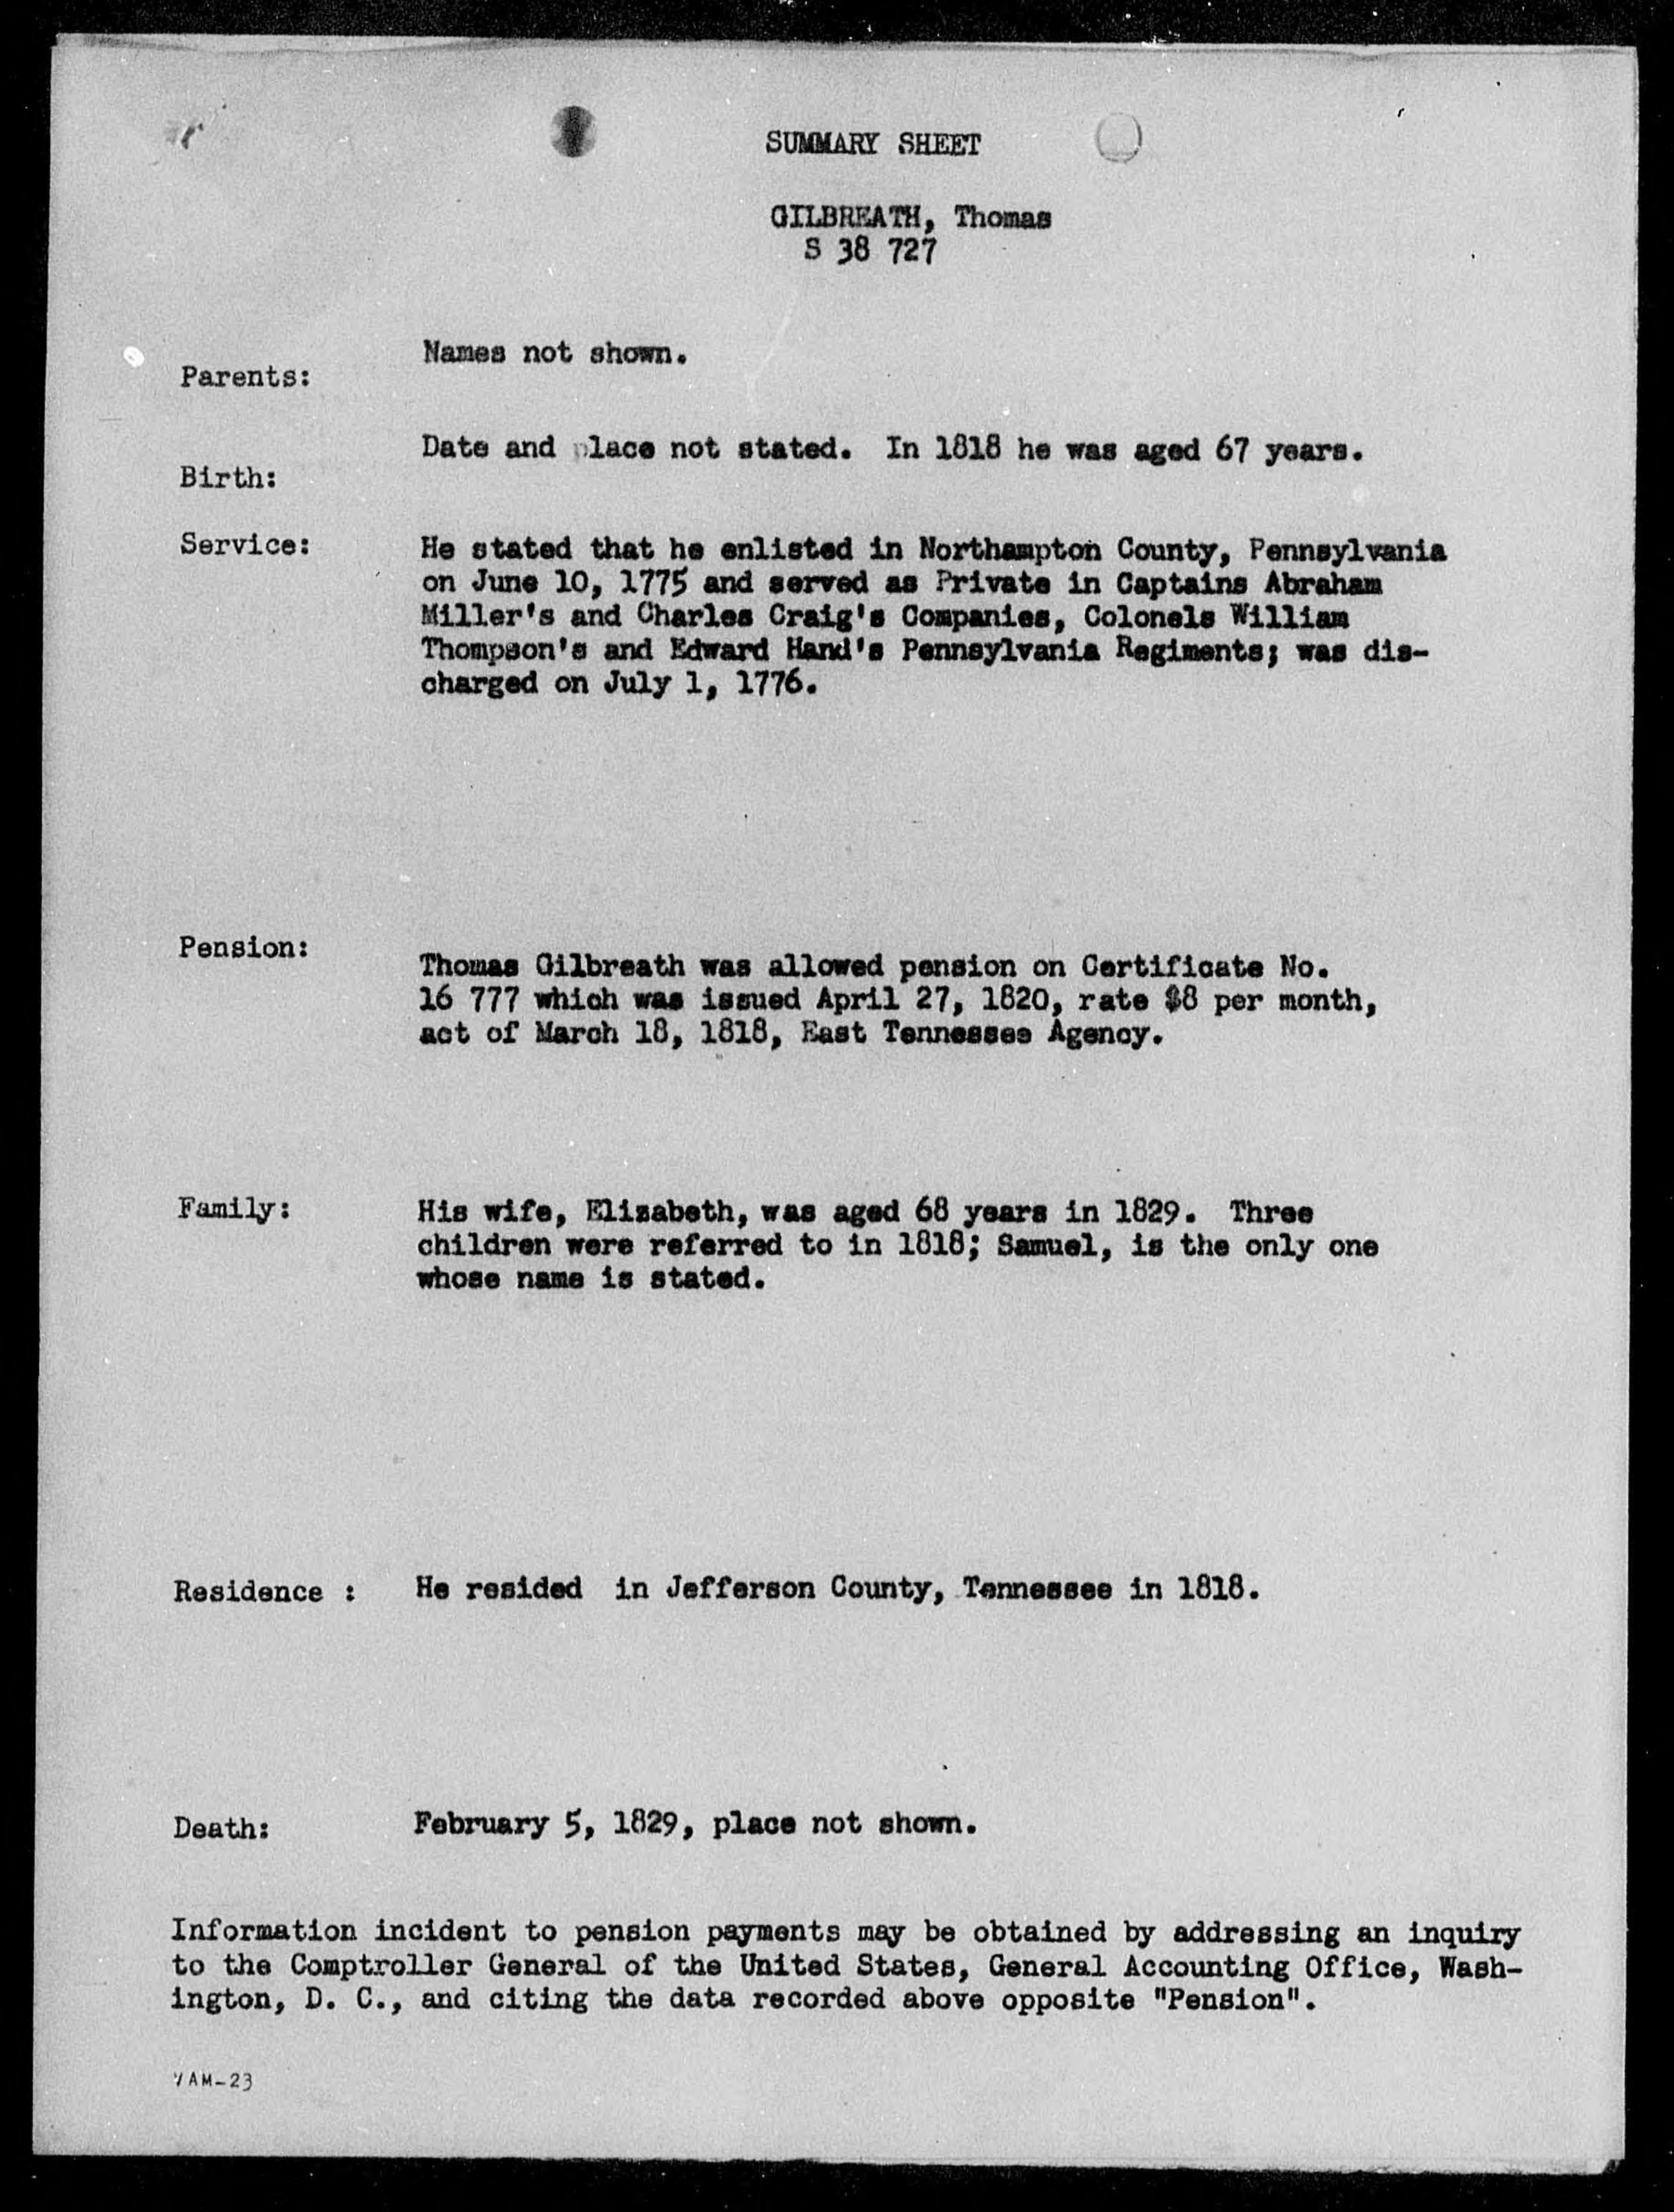SUMMARY SHEET
GILBREATH, Thomas
S 38 727
 Parents:  Names not shown.
Birth:  Date and place not stated.  In 1818 he was aged 67 years.
Service:   He stated that he enlisted in Northampton County, Pennsylvania on June 10, 1775 and served as Private in Captains Abraham Miller's and Charles Craig's Companies, Colonels William Thompso'.s and Edward Hand's Pennsylvania Regiments; was discharged on July 1, 1776.

Pension:  Thomas Gilbreath was allowed pension on Certificate No. 16 777 which was issued April 27, 1820, rate $8 per month, act of March 18, 1818, East Tennessee Agency.

Family:     His wife, Elizabeth, was aged 68 years in 1829.  Three children were referred to in 1818; Samuel, is the only one whose name is stated.

Residence:    He resided in Jefferson County, Tennessee in 1818.

Death:     February 5, 1829, place not shown.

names: Samuel, Elizabeth, Thomas Gilbreath, Thomas Gilbreath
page: 19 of 24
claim: survivor's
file: S. 38727, Thomas Gilbreath, Penn.